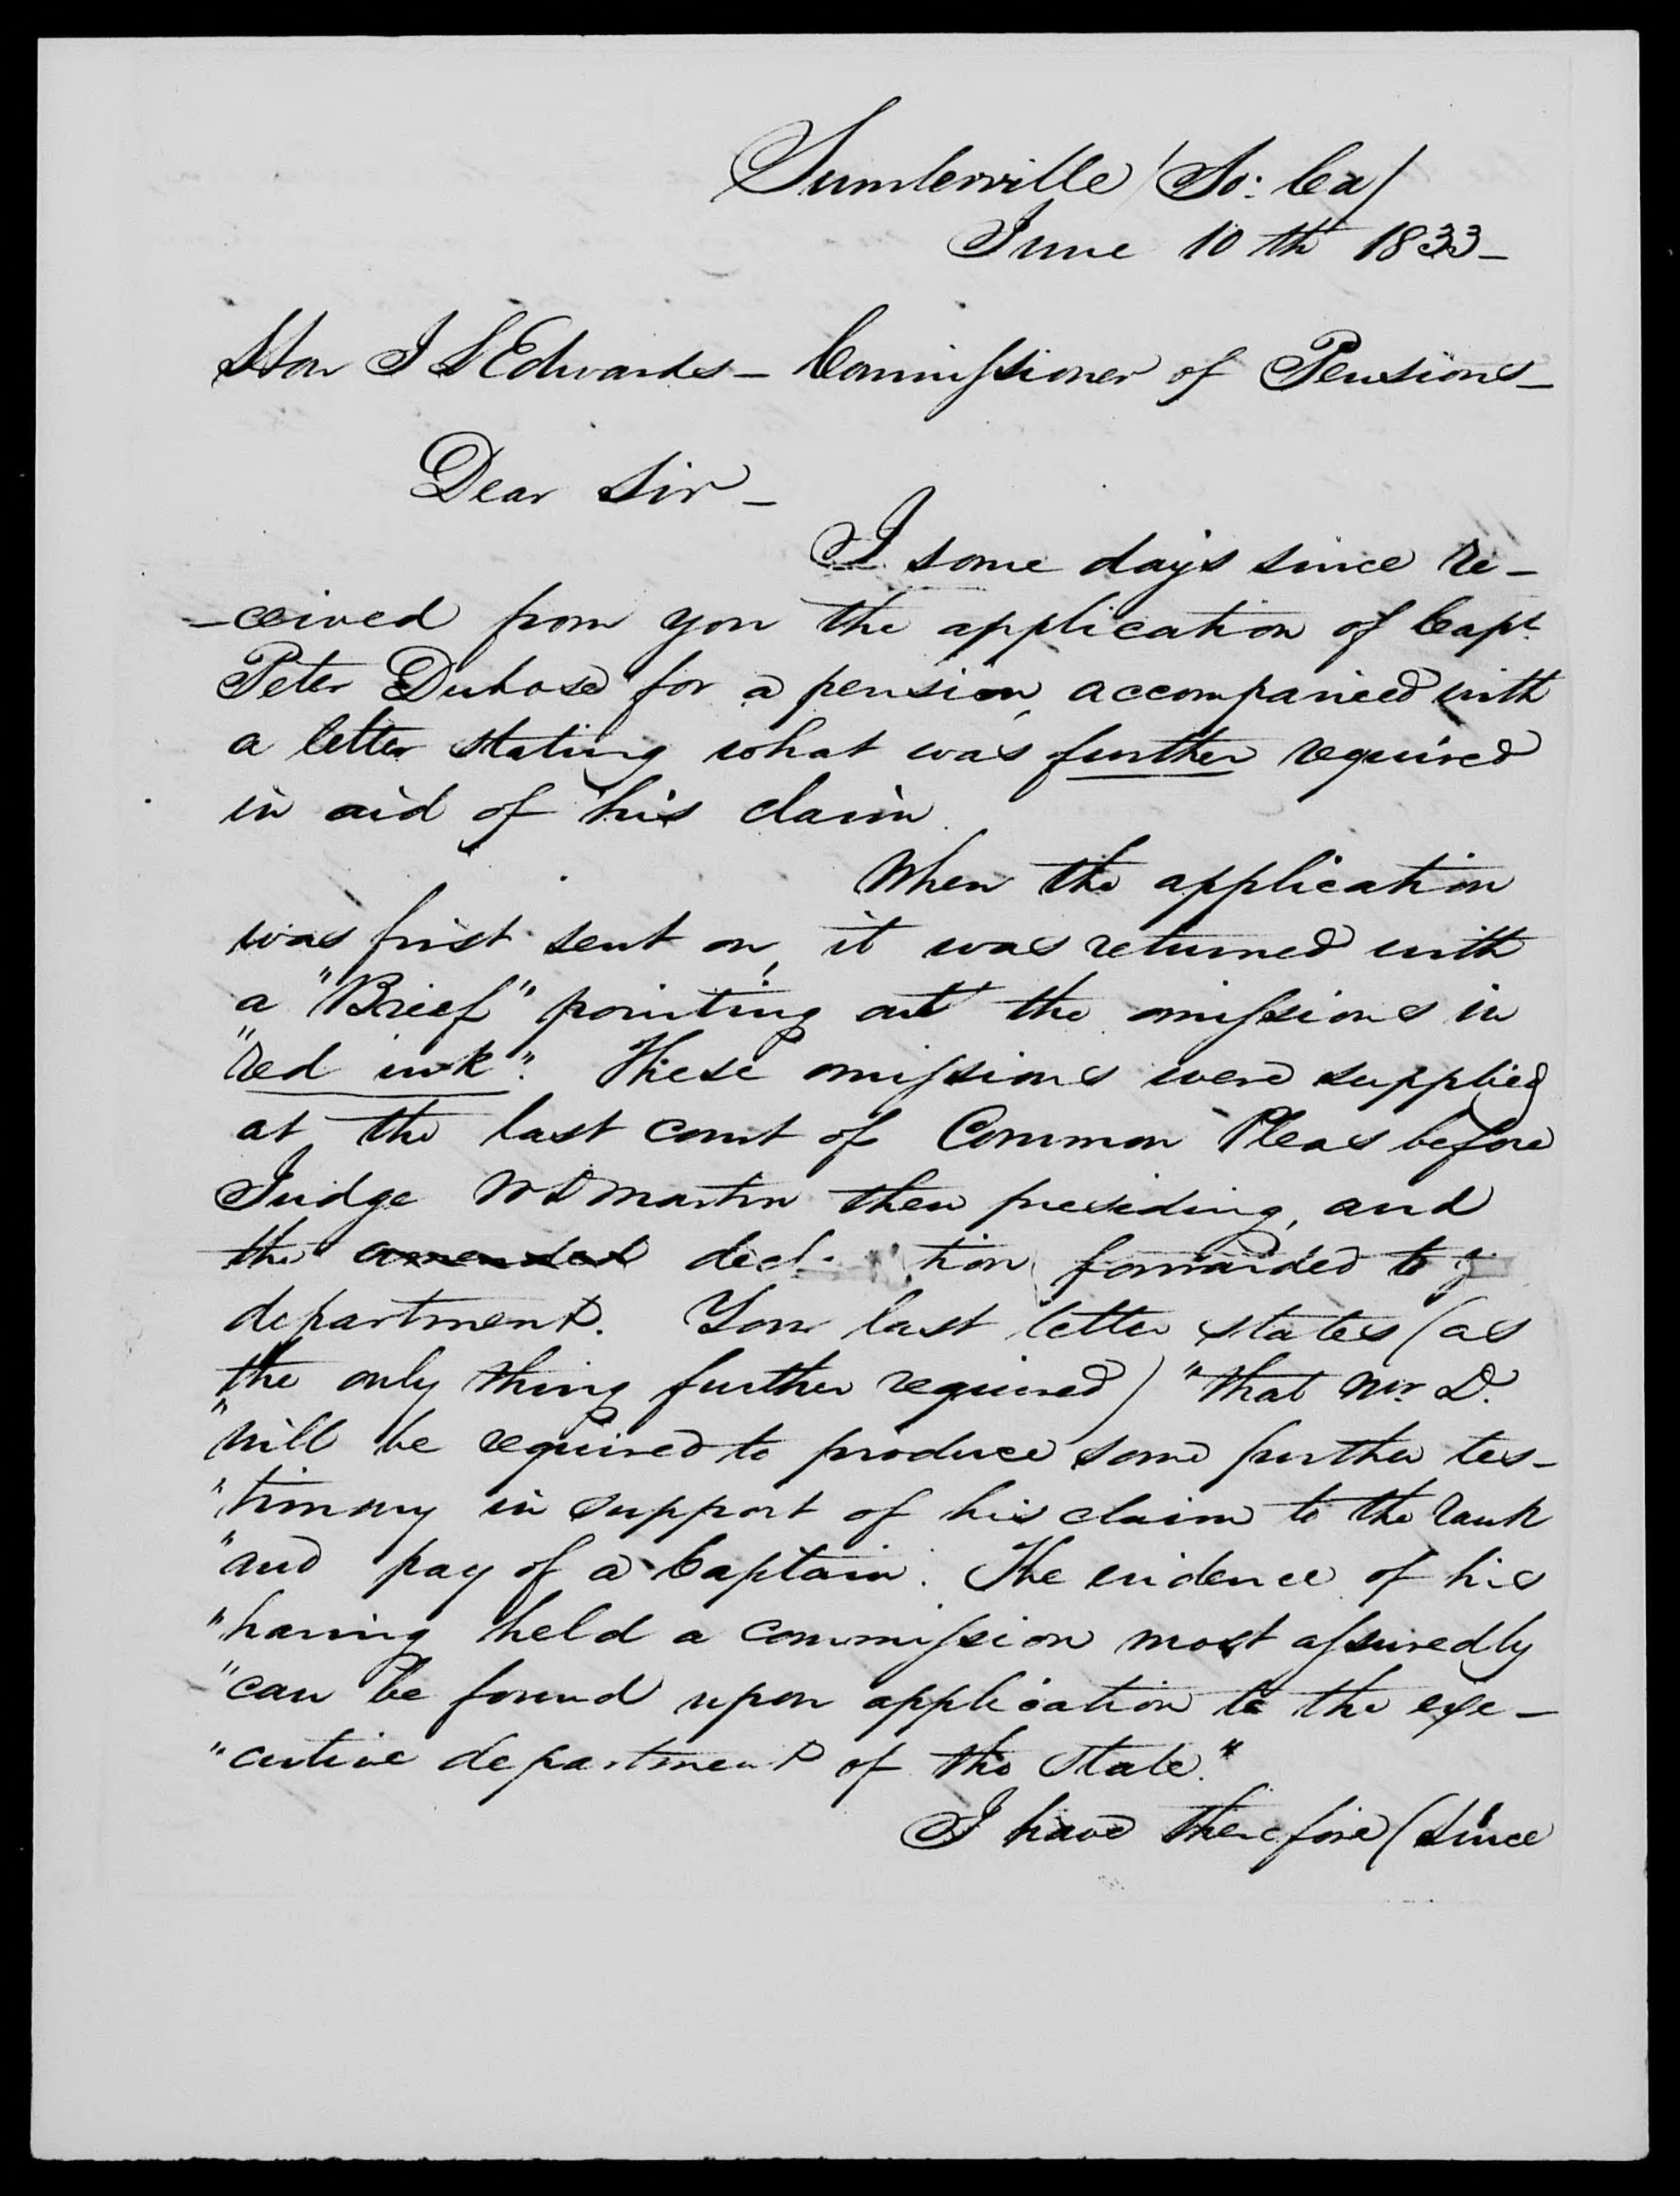Sumterville So. Ca
June 10th 1833
Hon J L Edwards - Commissioner of Pensions
Dear Sir
I some days since received
from you the application of Capt
Peter Dubose for a pension accompanied with
a letter stating what was further required
in aid of his claim
When the application
was first sent on it was returned with
a "Brief "pointing out the omissions in
"said work". These omissions were supplied
at the last Court of Common Pleas before
Judge W D Martin then presiding, and
the declaration forwarded to your
department.
Your last letter states as that
the only thing further required. That Mr. D.
will be required to produce some further testimony
in support of his claim to the rank
and pay of a Captain. The evidence of his
having held a commission most assuredly
can be found upon application to the executive
department of this State
I have therefore since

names: J L Edwards, Peter Dubose, W D Martin, D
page: 26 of 43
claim: survivor's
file: S. 21163, Peter Dubose, S.C.